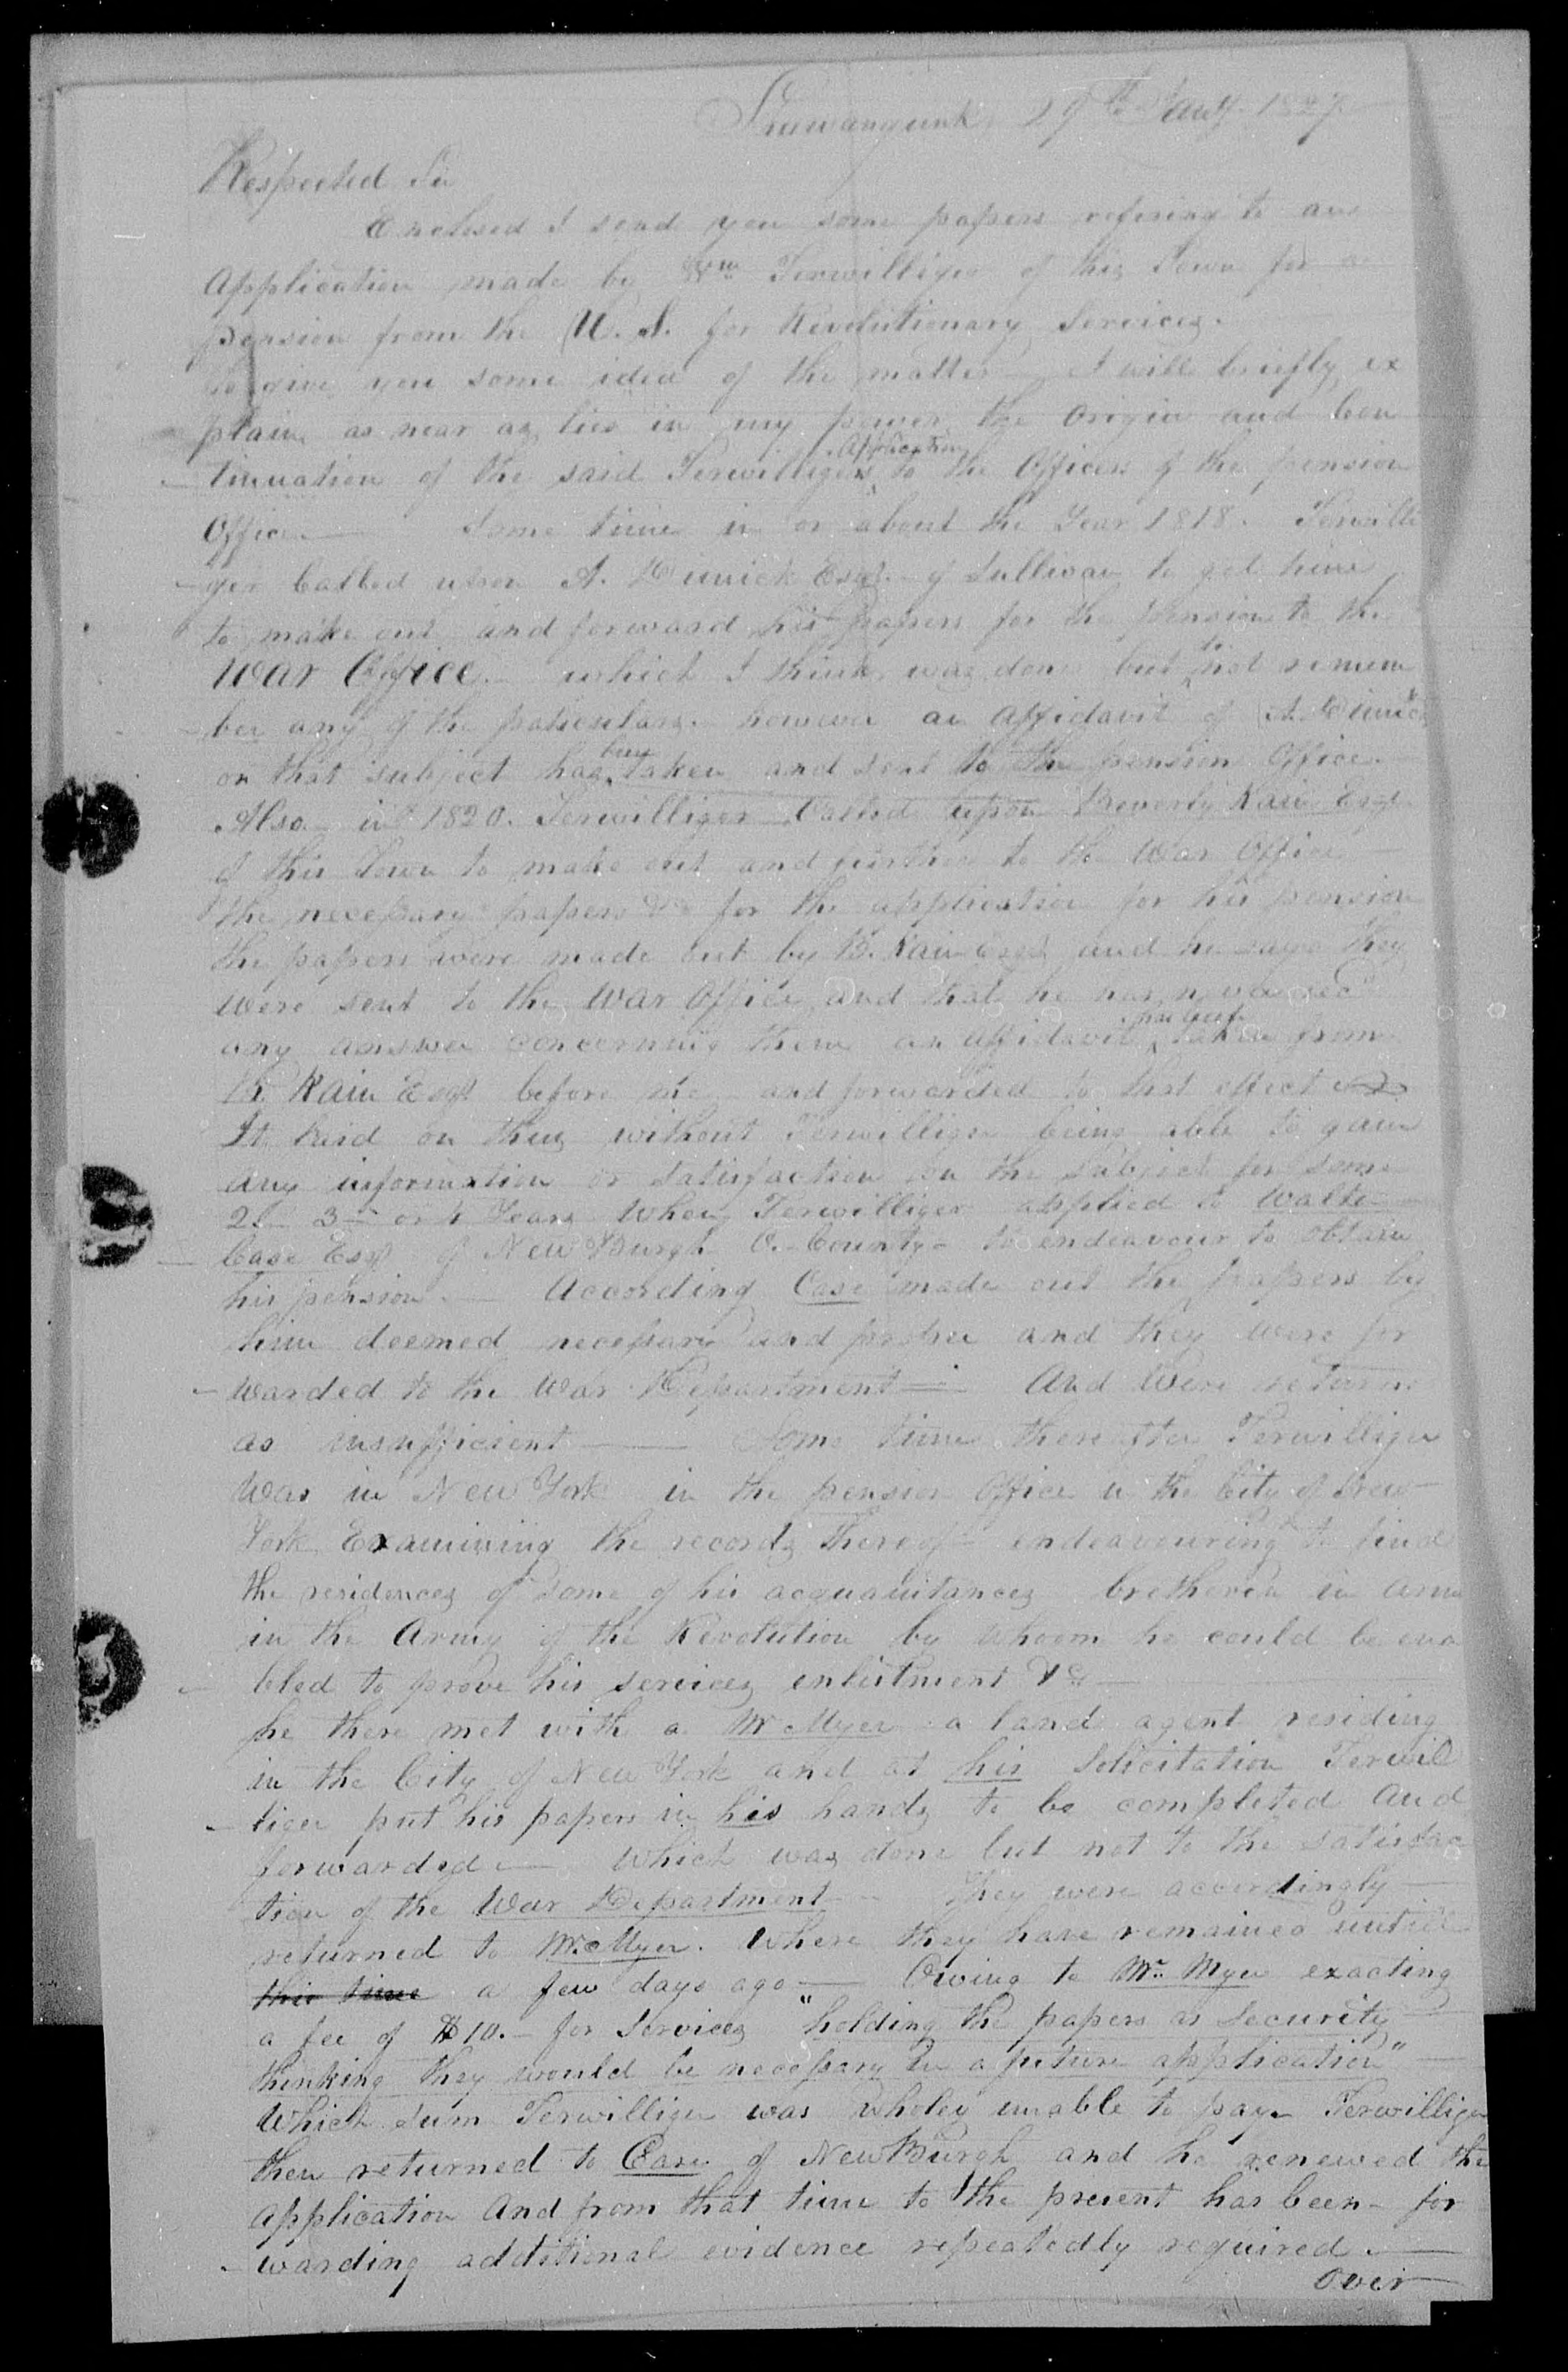Swanangunk 29th Jany 1827
Respected Sir
Enclosed I send you some papers refering to and
application made by Wm Terwilliger of this Town for
pension from the U. S. for Revolutionary Services.
I give me some idea of the matter I will briefly explain as near as lies in my power, the origin and continuation of the said Terwilligers application to the officer of the pension office  
some time in or about the year 1818. Tellwilliger
 called upon A Hunick Esq of Sullivan to get him
to make out and forward his papers for the pension to the
war office which I think was done but do not remember any of the particulars. However an affidavit of A. Demich
on that subject has taken and seal to the pension Office
Also in 1820. Terwilliger called upon Beverly Kane
of this town to make out and further to the War Office
the necessary papers & for the application for his pension
the papers were made but by B. Gaines and he say by
were sent to the War Office, and that he may
my answer concerning them an affidavit from
the Pain Esq before me and forwarded to that effect
It laid on this without Terwilliger being able to gain
any information or satisfaction on the subject for some
2 or 3 or 4 years when Terwilliger applied to walker
Case Esq of New Burgh County. I endeavour to obtain
his pension.
according Case made out the papers by
him deemed necessary and proper and they were forwarded to the war Department - and were return
as insufficient-- Some time thereafter Terwilliger
was in New York in the pension office in the City of New York
Examining the records thereof endeavouring to find
the residences of some of his acquaintances bretheren in an
in the Army of the Revolution by whom he could be
bled to prove his services enlistment &
he there met with a Mr Myer a land agent residing
there put his papers in his hands to be completed and
forwarded - which was done but not to the fsatisfaction of the War Department they were accordingly
returned to W Myer. where they have remained with
a few days ago. Owing to my exacting
a fee of $10. for services "holding the papers as security
thinking they would be necessary in a future application.which

sum Terwilliger was wholly unable to pay Terwilliger
then returned to care of New Burgh and he renewed the ┃
application and from that time to the present has been for
warding additional evidence repeatedly required--
Over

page: 20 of 64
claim: survivor's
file: S. 42,464, for William Terwilliger, New York